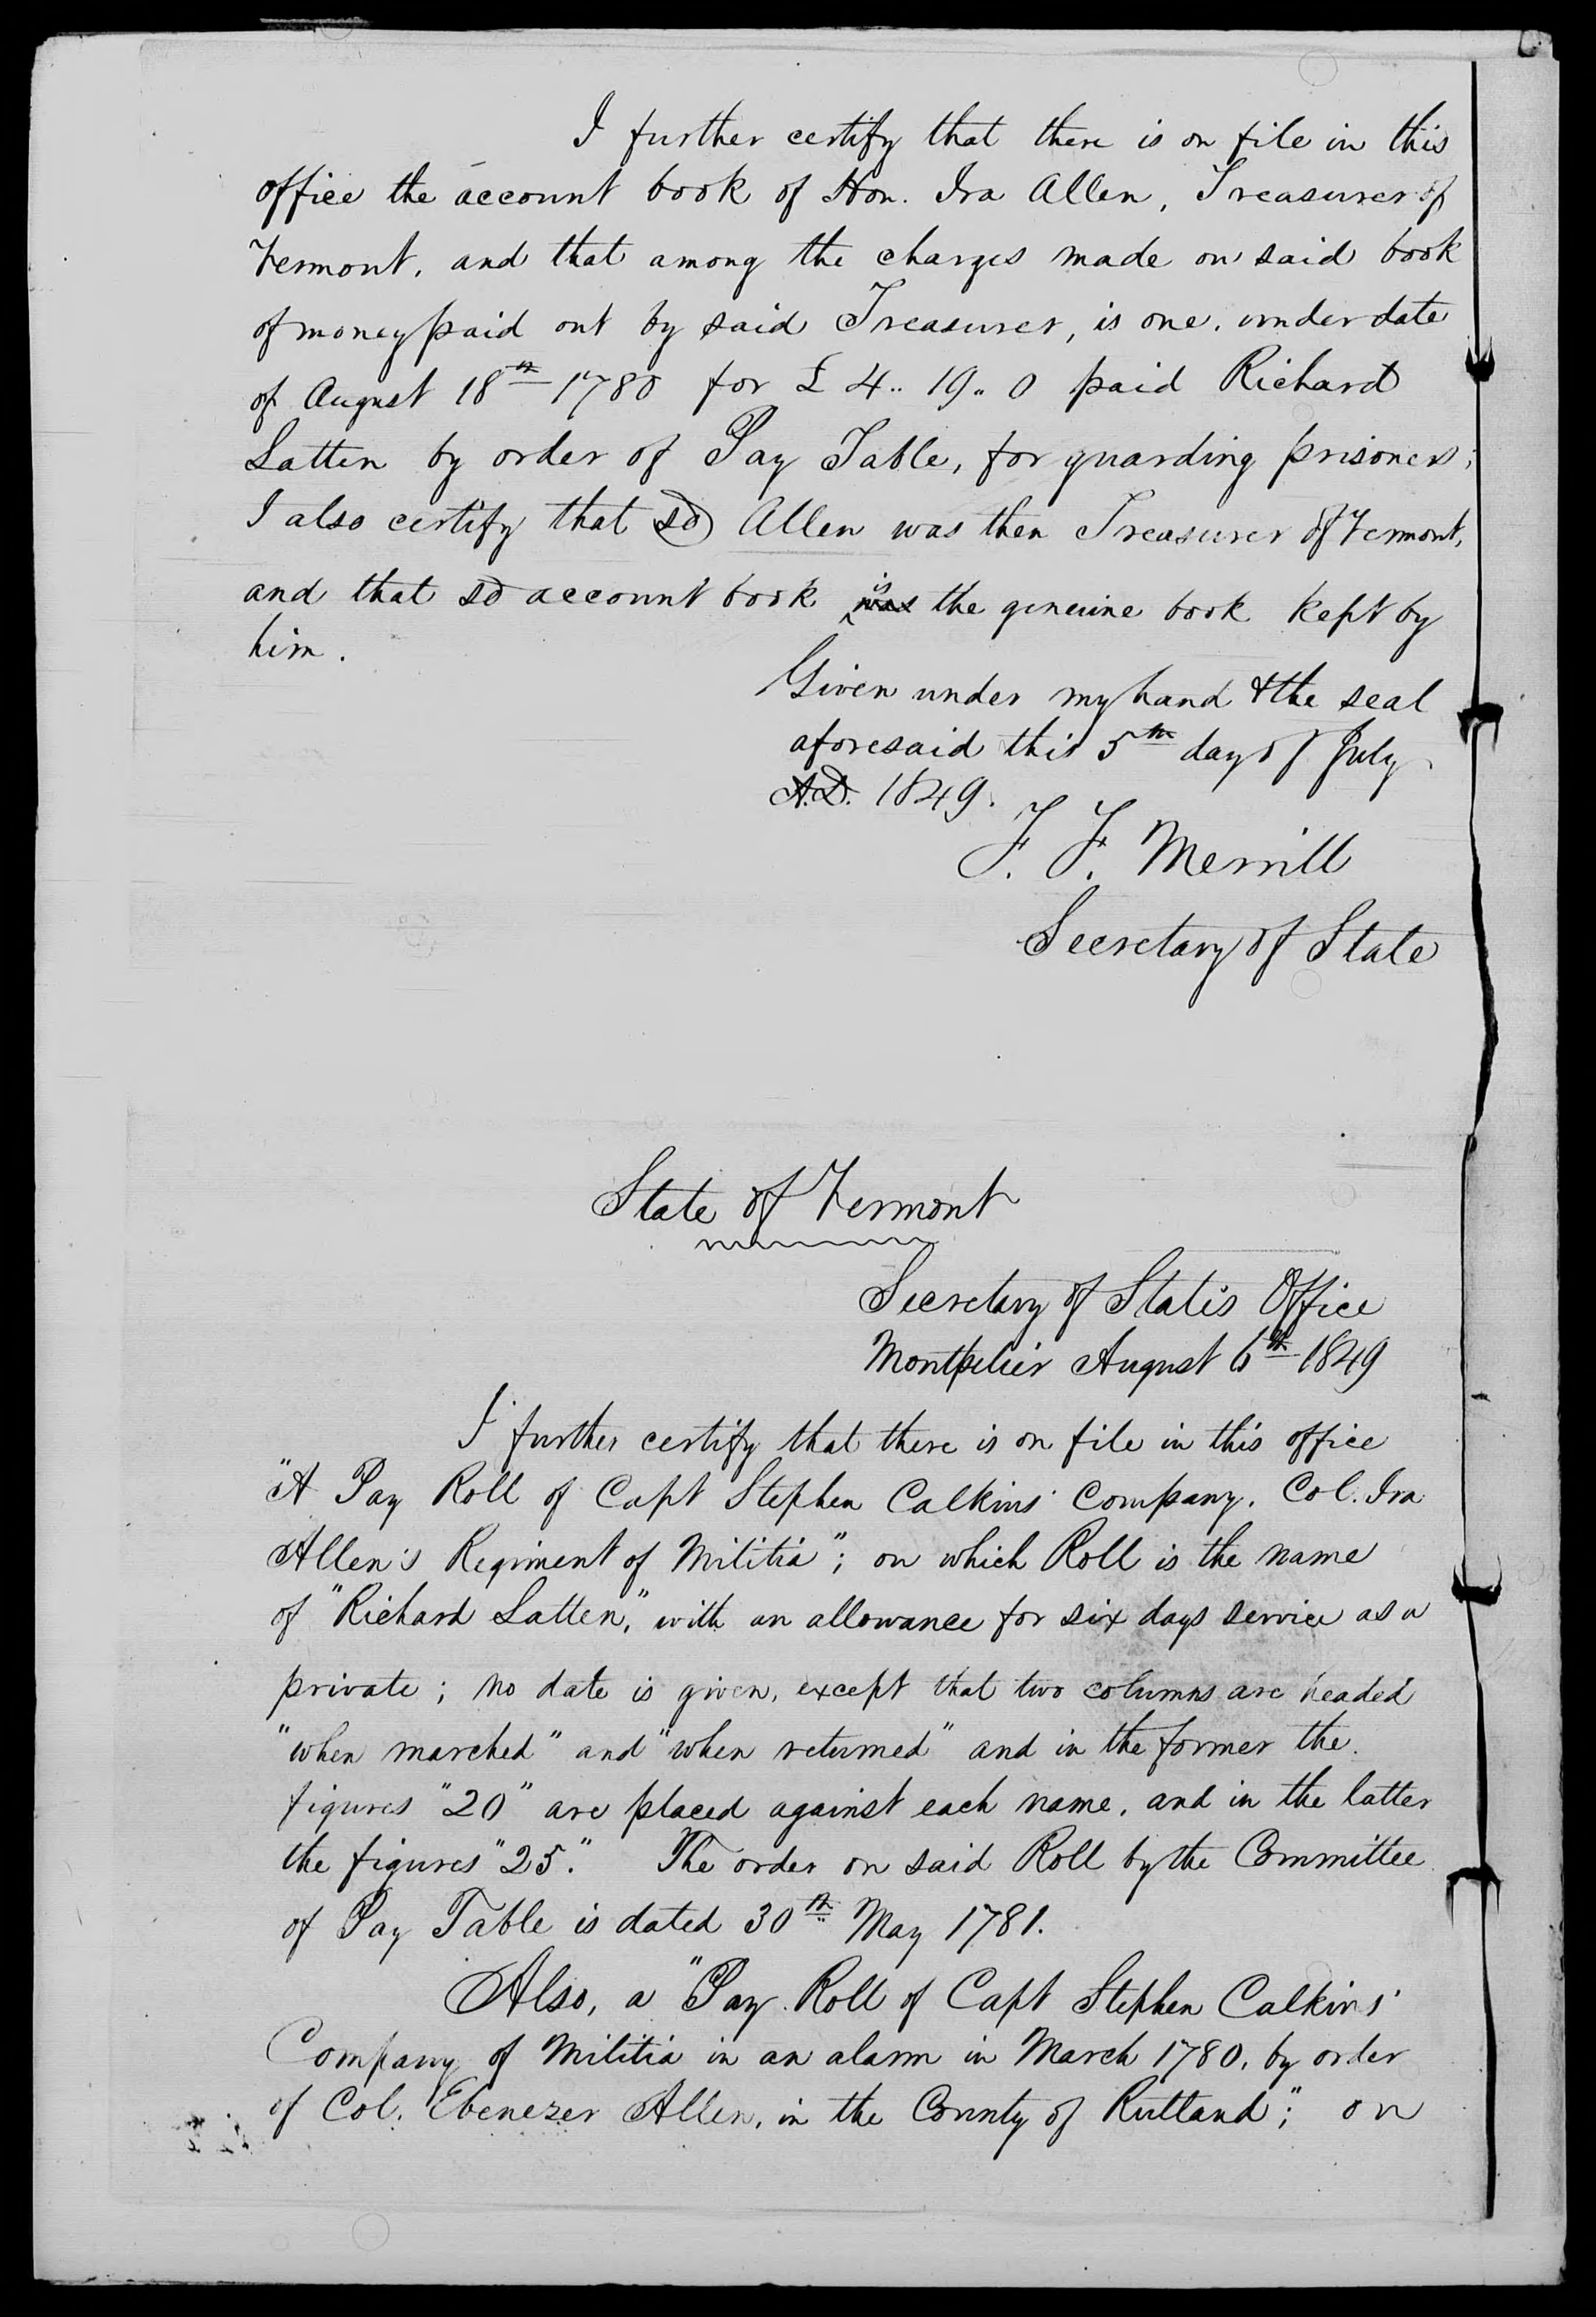I further certify that there is on file in this
office the account book of Hon. Ira Allen, Treasurer of
Vermont, and that among the charges made on said book of
money paid out by said Treasurer, is one, under date
of August 18th 1780 for #4.19.0, paid Richard
Latten by order of Pay Table, for guarding prisoners.
I also certify that s’d Allen was then Treasurer of Vermont, and
that s’d account book is the genuine book kept by him.
Given under my hand & the seal aforesaid this 5th day of July of A.D. 1849.
F F Merrill
Secretary of State

State of Vermont
Secretary of State’s Office
Montpelier August 6th 1849

I further certify that there is on file in this
office “A Pay Roll of Capt Stephen Calkin’s Company, Col. Ira
Allen's Regiment of Militia,” on which Roll is the name of
“Richard Latten,” with an allowance for six days service as a
private; no date is given, except that two columns are headed
“when marched”, and “when returned" and in the former the
figures "20" are placed against each name, and in the latter
the figures "25. The order on said Roll by the Committee
of Pay Table is dated 30th May 1781.

Also, a “Pay Roll of Capt Stephen Calkin’s
Company of Militia in an alarm in March 1780, by order
of Col. Ebenezer Allen, in the County of Rutland,” on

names: F F Merrill; Richard Lattin; Ira Allen; Ebenezer Allen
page: 30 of 99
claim: widow's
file: W. 24,482, for Richard Lattin, Vermont